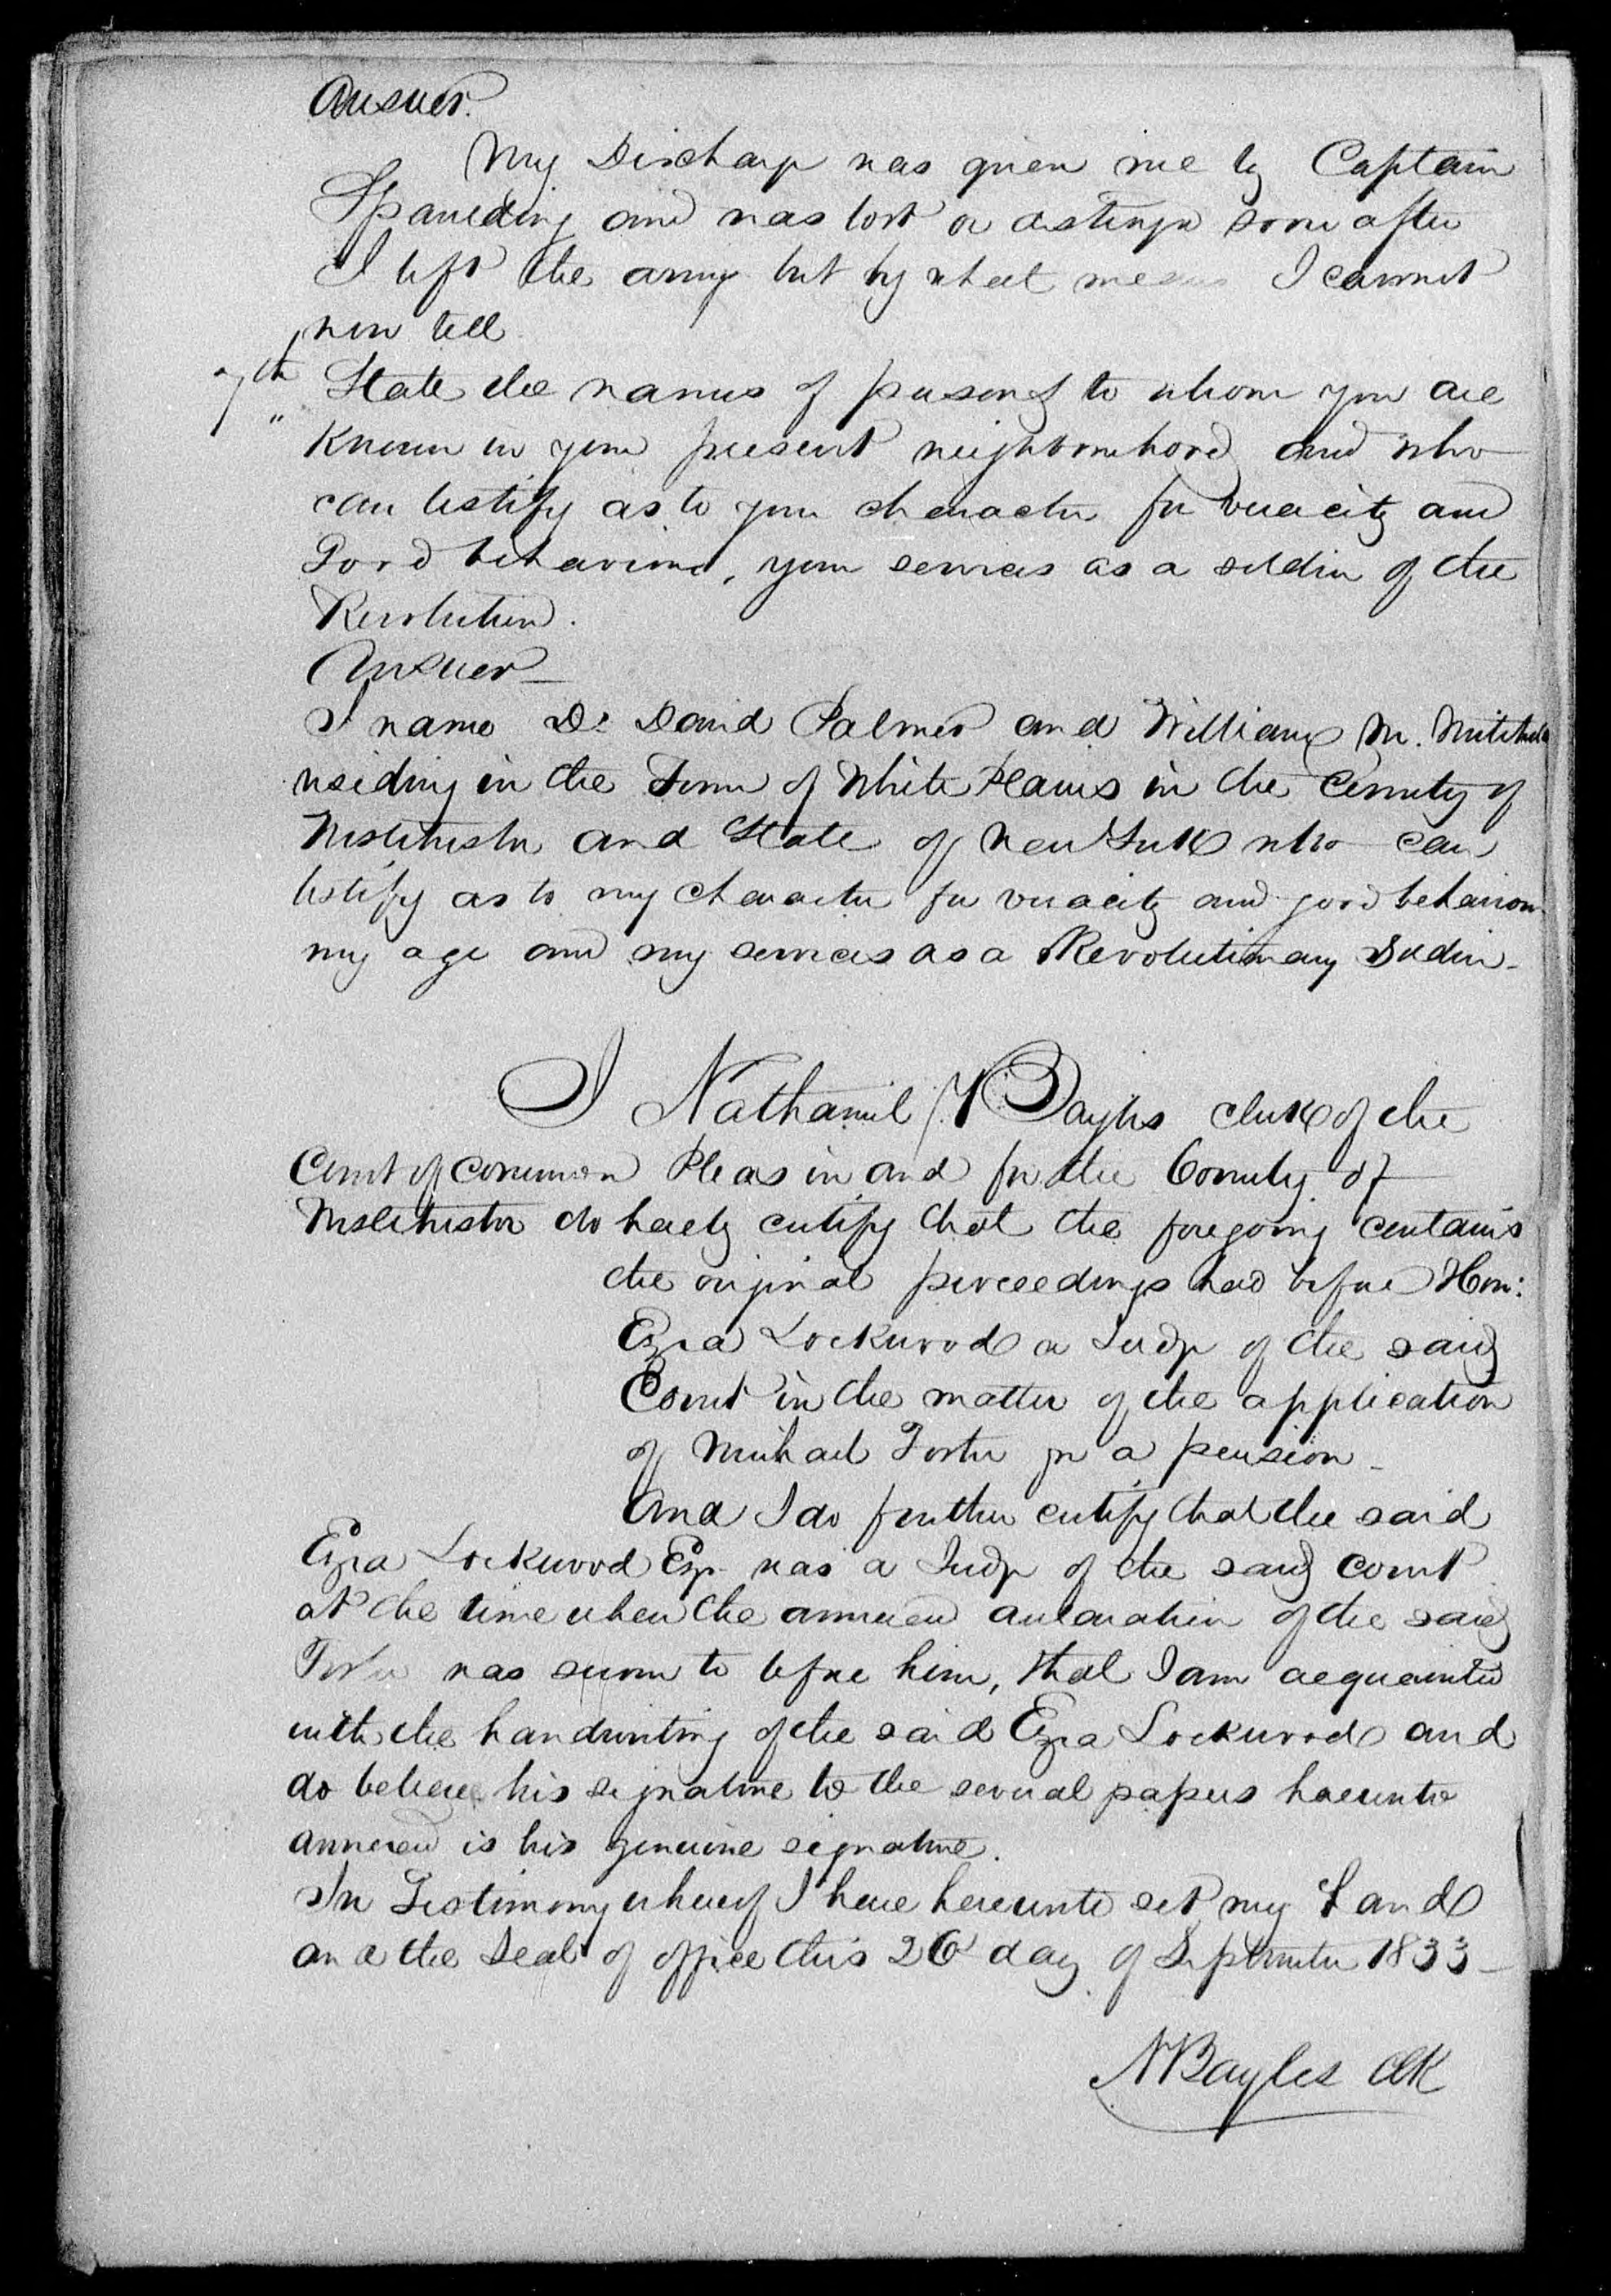Answer
My discharge was given me by Captain Spaulding and was lost or destroyed soon after I left the army but by what means I cannot now tell
7th State the names of persons to whom you are known in your present neighborhood and who can testify as to your character for veracity and good behavior, you service as a soldier of the Revolution
Answer-
I name Dr. David Palmer and William M. Mitchell residing in the town of White Plains in the county of Westchester and State of New York who can testify as to my character for veracity and good behavior my age and my service as a Revolutionary Soldier.
I Nathaniel Bayles clerk of the Court of Common Pleas in and for the County of West Chester do hereby certify that the foregoing contains the original proceedings had before Hon. Ezra Lockwood a Judge of the said Court in the matter of the application of Michael Foster for a pension-
And I do further certify that the said Ezra Lockwood Esq. was a Judge of the said Court at the time when the amended declaration of the said Foster was sworn to before him, that I am acquainted with the handwriting of the said Ezra Lockwood and do believe his signature to the several papers hereunto annexed is his genuine signature.
In testimony whereof I hereunto set my hand and the seal of office this 26 day of September 1833
N Bayles Clk.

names: Nathaniel Bayles, N Bayles, William M Mitchell, Ezra Lockwood, Ezra Lockwood, Foster, Spaulding, Ezra Lockwood, Michael Foster, David Palmer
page: 13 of 57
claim: widow's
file: W. 5275 1/2, Michael Foster, Penn.